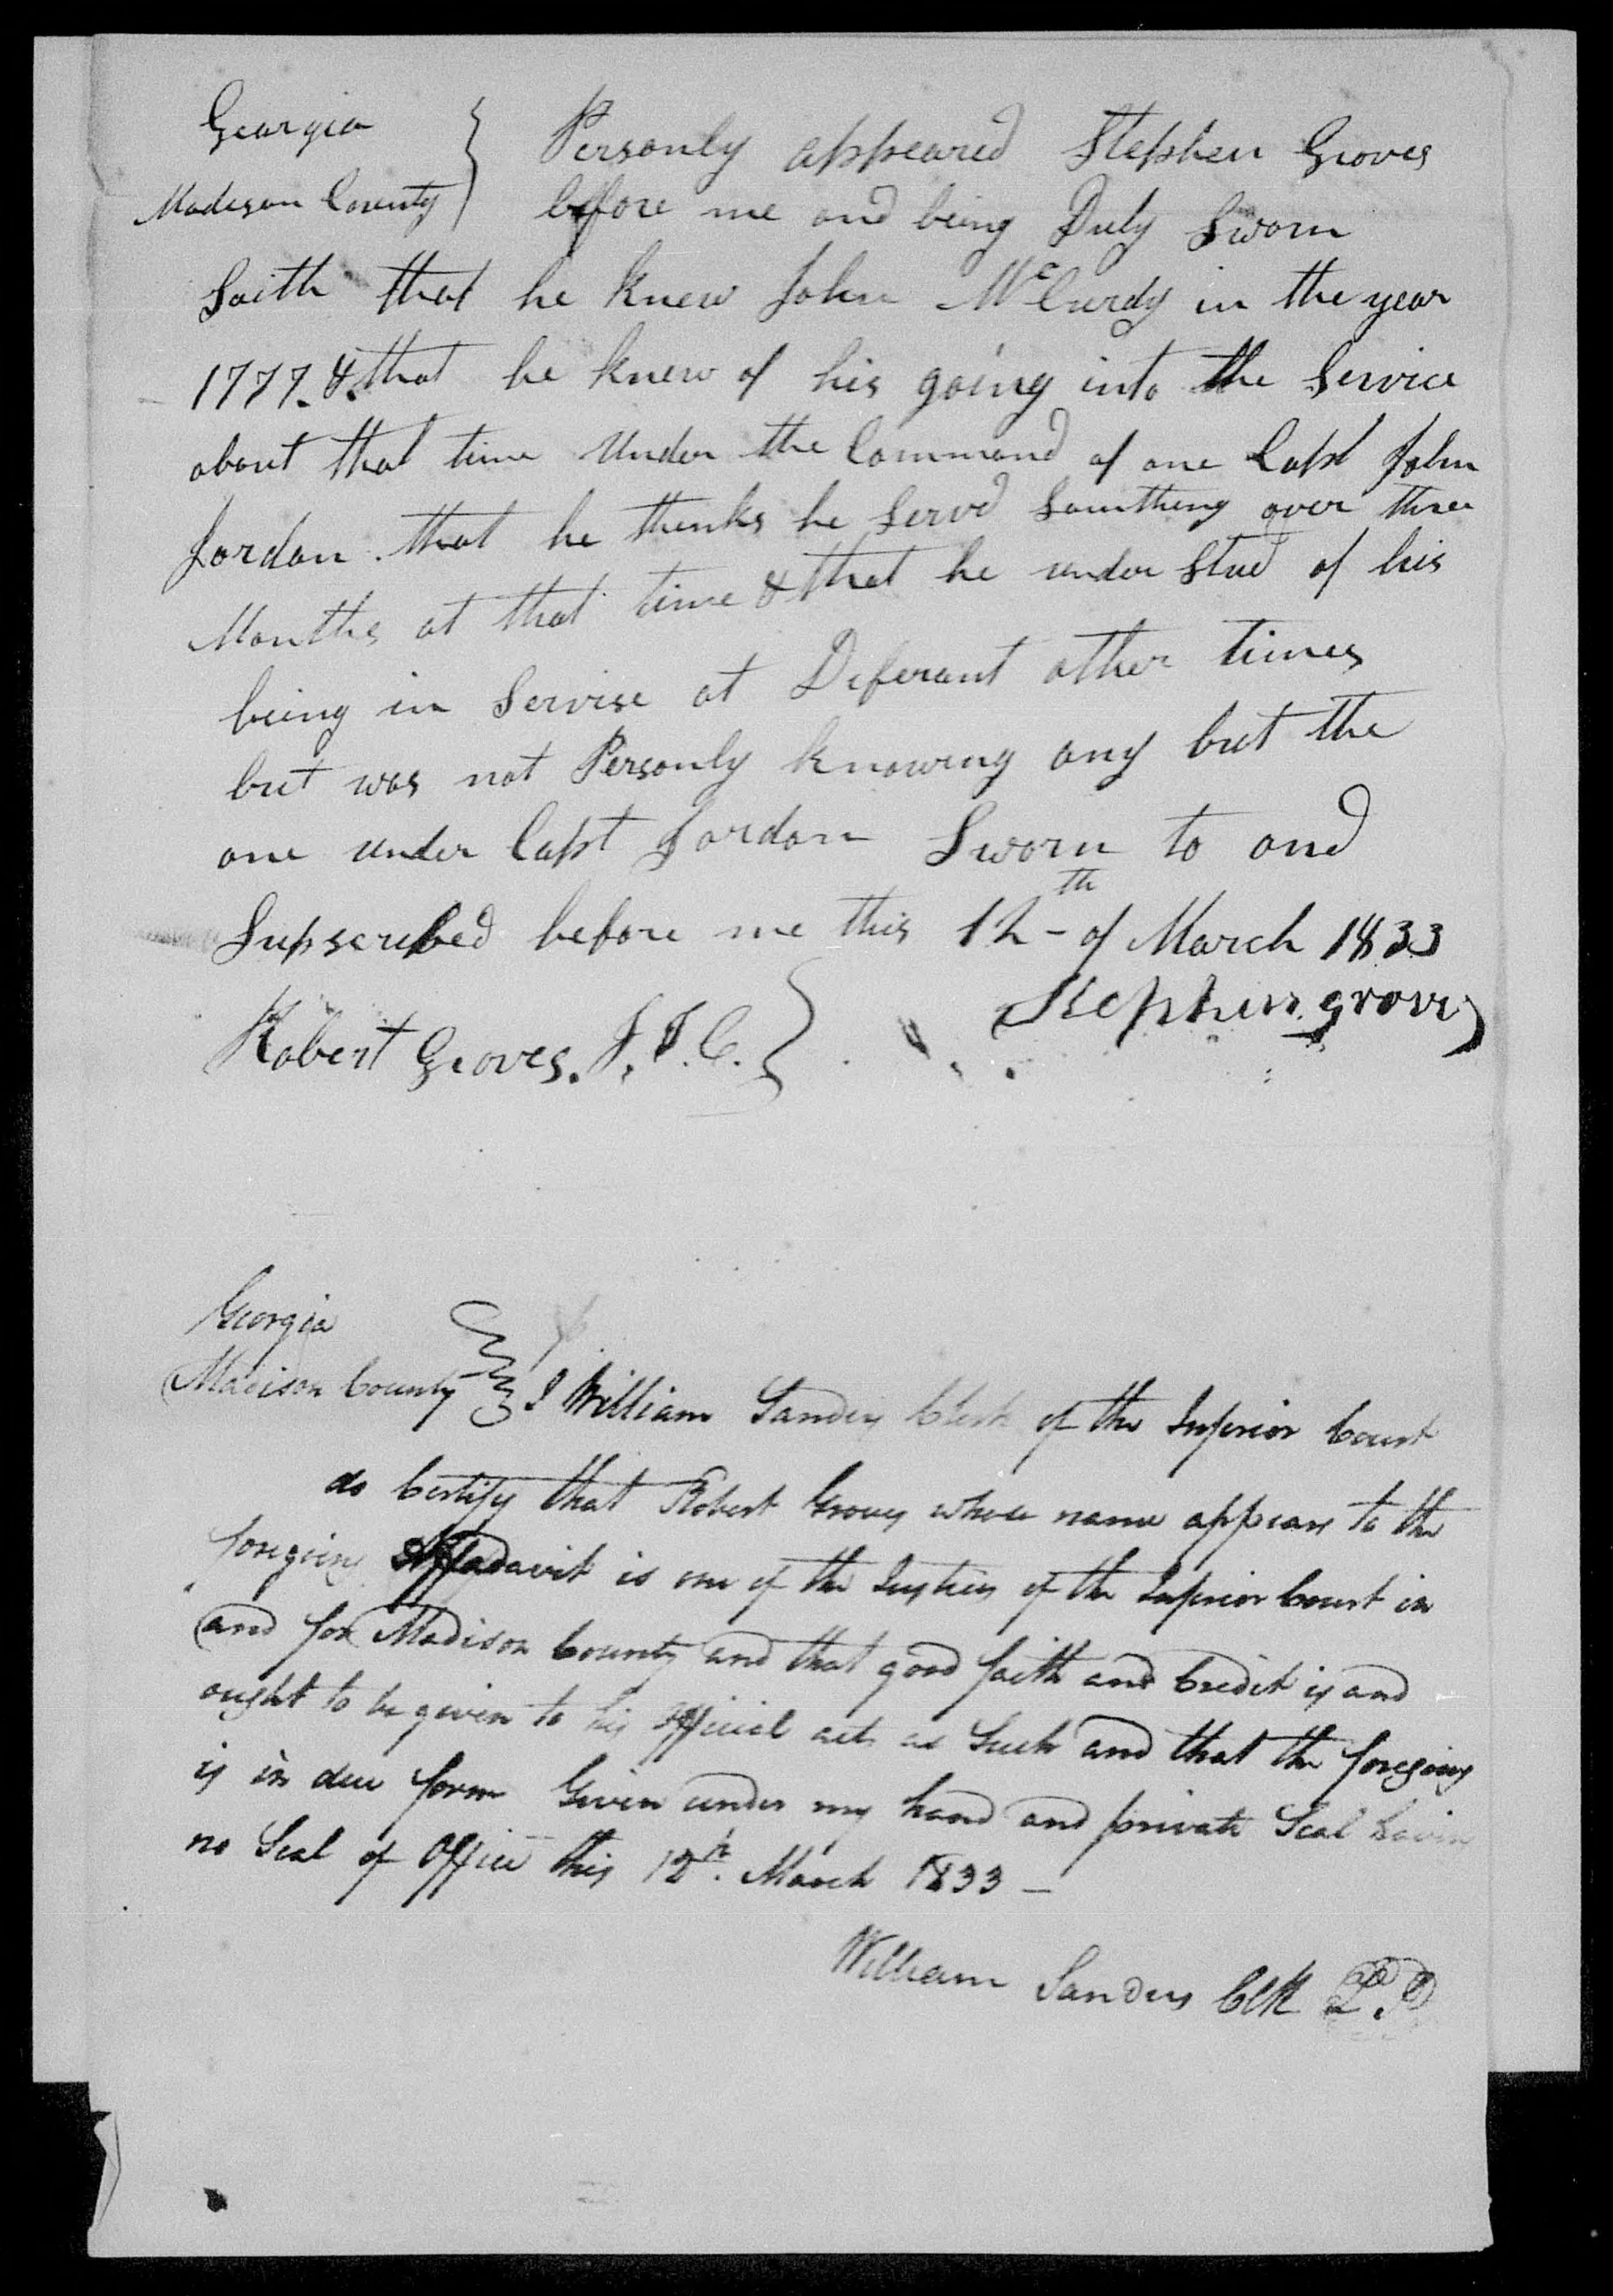Georgia
Madison County

Personly appeared Stephen Groves
before me and being Duly Sworn
Saith that he knew John McCurdy in the year
1777 & that he knew of his going into the service
bout that time under the command of one Capt
John Jordan. that he thinks he served Something over three
months at that time & that he understood of his
being in service at diferent other times
but was not personly knowing any but the
one under Capt Jordan. Sworn to and
Subscribed before me this 12th of March 1833
Robert Groves, J.J.C.
Stephen Groves

Georgia
Madison Country

William Sanders Clerk of the Superior Court
do certify that Robert Groves whose name appears to the
foregoing affidavit is one of the Justices of the Superior Court in
and for Madison County and that good faith and credit is and
ought to be given to his official acts as such and that the foreging
is in due form. Given under my hand and private Seal having no Seal of Office this 12th March 1833

William Sanders Clk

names: John Jordan; Robert Groves; Stephen Groves; John Mc Curdy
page: 18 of 19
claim: survivor's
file: S. 31,855, for John Mc Curdy, Pennsylvania